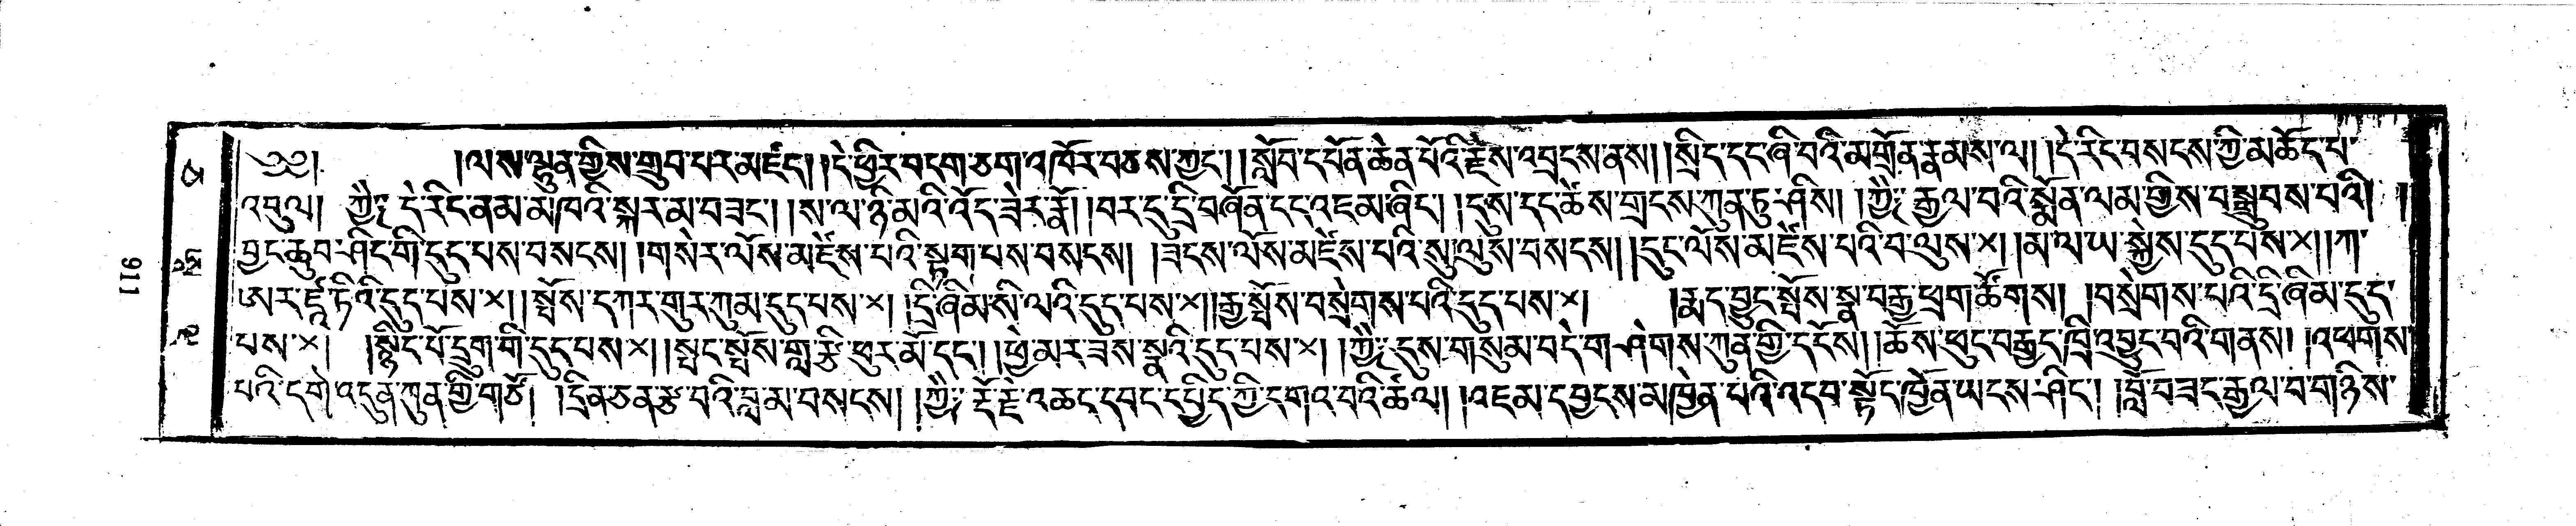༄༅། །ལས་ལྷུན་གྱིས་གྲུབ་པར་མཛད། །དེ་ཕྱིར་བདག་ཅག་འཁོར་བཅས་ཀྱང་། །སློབ་དཔོན་ཆེན་པོའི་རྗེས་འབྲངས་ནས། །སྲིད་དང་ཞི་བའི་མགྲོན་རྣམས་ལ། །དེ་རིང་བསངས་ཀྱི་མཆོད་པ་
འབུལ། ཀྱཻ། དེ་རིང་ནམ་མཁའི་སྐར་མ་བཟང་། །ས་ལ་ཉི་མའི་འོད་ཟེར་རྣོ། །བར་དུ་དྲི་བཞོན་ངད་འཇམ་ཞིང་། །དུས་དང་ཚེས་གྲངས་ཀུན་ཏུ་ཤིས། །ཀྱཻ། རྒྱལ་བའི་སྨོན་ལམ་གྱིས་བསྒྲུབས་པའི།།
བྱང་ཆུབ་ཤིང་གི་དུད་པས་བསངས། །གསེར་ལོས་མཛེས་པའི་སྟག་པས་བསངས། །ཟངས་ལོས་མཛེས་པའི་སུ་ལུས་བསངས། །དུང་ལོས་མཛེས་པའི་བ་ལུས་྾། །མ་ལ་ཡ་སྐྱེས་དུད་པས་྾། །ཀ་
ཨར་ཛཱ་ཏིའི་དུད་པས་྾། །སྤོས་དཀར་གུར་ཀུམ་དུད་པས་྾། །དྲི་ཞིམ་སི་ལའི་དུད་པས་྾། །རྒྱ་སྤོས་བསྲེགས་པའི་དུད་པས་྾། །རྨད་བྱུང་སྤོས་སྣ་བརྒྱ་ཕྲག་ཚོགས། །བསྲེགས་པའི་དྲི་ཞིམ་དུད་
པས་྾། །སྙིང་པོ་དྲུག་གི་དུད་པས་྾། །སྤང་སྤོས་གླ་རྩི་ཕུར་མོ་དང་། །ཕྱེ་མར་ཟས་སྣའི་དུད་པས་྾། །ཀྱཻ། དུས་གསུམ་བདེ་གཤེགས་ཀུན་གྱི་དངོས། །ཆོས་ཕུང་བརྒྱད་ཁྲི་འབྱུང་བའི་གནས། །འཕགས་
པའི་དགེ་འདུན་ཀུན་གྱི་གཙོ། །དྲིན་ཅན་རྩ་བའི་བླ་མ་བསངས། །ཀྱཻ། རྡོ་རྗེ་འཆང་དབང་དཔྱིད་ཀྱི་དགའ་བའི་ཚལ། །འཇམ་དབྱངས་མཁྱེན་པའི་འདབ་སྟོང་ཁྱོན་ཡངས་ཤིང་། །བློ་བཟང་རྒྱལ་བ་གཉིས་